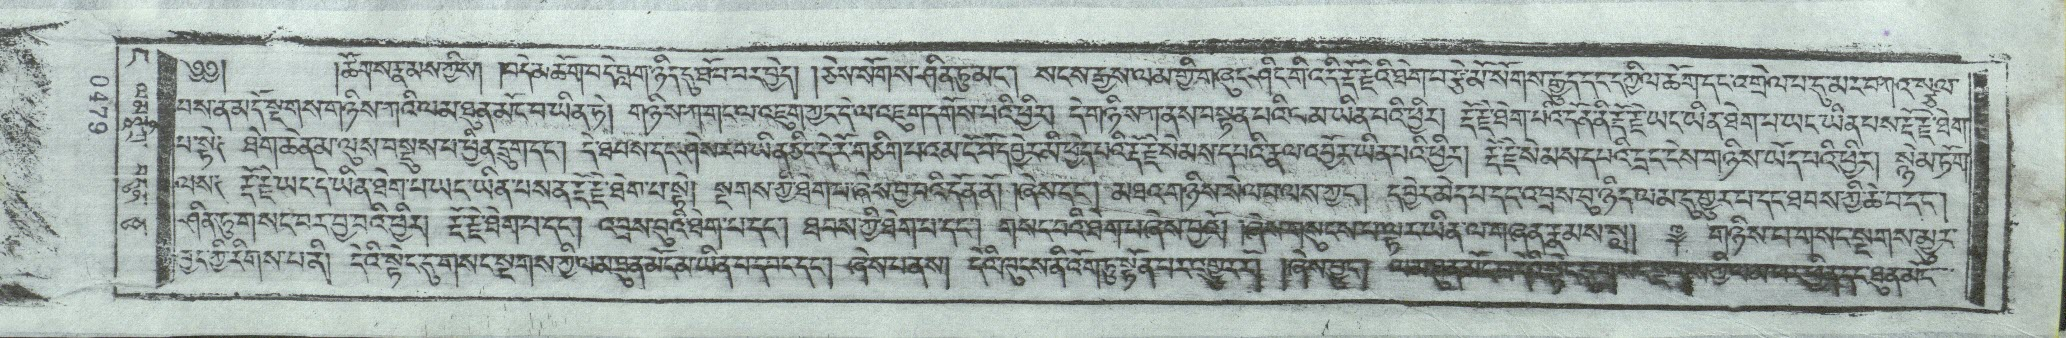༄༅། །ཚོགས་རྣམས་ཀྱིས། །བདེ་མཆོག་བདེ་བླག་ཉིད་དུ་ཐོབ་བར་བྱེད། །ཅེས་སོགས་ཤིན་ཏུ་མང་། སངས་རྒྱས་ལམ་གྱི་གཞུང་ཤིང་གི་འདི་རྡོ་རྗེའི་ཐེག་པ་རྩེ་མོ་སོགས་རྒྱུད་དང་དཀྱིལ་ཆོག་དང་འགྲེལ་བ་དུ་མར་བཀའ་སྩལ་
པས་ན་མདོ་སྔགས་གཉིས་ཀའི་ལམ་ཐུན་མོང་བ་ཡིན་ཏེ། གཉིས་ཀ་གང་ལ་འཇུག་ཀྱང་དེ་ལ་འཇུག་དགོས་པའི་ཕྱིར། དེ་གཉིས་ཀ་ནས་བསྟན་པའི་ལམ་ཡིན་པའི་ཕྱིར། རྡོ་རྗེ་ཐེག་པའི་དོན་ནི་རྡོ་རྗེ་ཡང་ཡིན་ཐེག་པ་ཡང་ཡིན་པས་རྡོ་རྗེ་ཐེག་
པ་སྟེ༑ ཐེག་ཆེན་མ་ལུས་བསྡུས་པ་ཕྱིན་དྲུག་དང་། དེ་ཐབས་དང་ཤེས་རབ་ཡིན་ཅིང་དེ་རོ་གཅིག་པའམ་ངོ་བོ་དབྱེར་མི་ཕྱེད་པའི་རྡོ་རྗེ་སེམས་དཔའི་རྣལ་འབྱོར་ཡིན་པའི་ཕྱིར། རྡོ་རྗེ་སེམས་དཔའི་དྲང་ངེས་གཉིས་ཡོད་པའི་ཕྱིར། སྙེམ་ཏོག་
ལས༑ རྡོ་རྗེ་ཡང་དེ་ཡིན་ཐེག་པ་ཡང་ཡིན་པས་ན་རྡོ་རྗེ་ཐེག་པ་སྟེ། སྔགས་ཀྱི་ཐེག་པ་ཞེས་བྱ་བའི་དོན་ནོ། །ཞེས་དང་། མཐའ་གཉིས་སེལ་བ་ལས་ཀྱང་། དབྱེར་མེད་པ་དང་འབྲས་བུ་ཉིད་ལམ་དུ་གྱུར་པ་དང་ཐབས་ཀྱི་ཆེ་བ་དང་།
ཤིན་ཏུ་གསང་བར་བྱ་བའི་ཕྱིར། རྡོ་རྗེ་ཐེག་པ་དང་། འབྲས་བུའི་ཐེག་པ་དང་། ཐབས་ཀྱི་ཐེག་པ་དང་། གསང་བའི་ཐེག་པ་ཞེས་བྱའོ། །ཞེས་གསུངས་པ་ལྟར་ཡིན་ལ་གཞན་རྣམས་སླ། ༈ གཉིས་པ་གསང་སྔགས་མྱུར་
ཁྱད་ཀྱི་རིགས་པ་ནི། དེའི་སྟེང་དུ་གསང་སྔགས་ཀྱི་ལམ་ཐུན་མོང་མ་ཡིན་པ་དབང་དང་། ཞེས་པ་ནས། དེའི་ཁུངས་ནི་འོག་ཏུ་སྟོན་པར་འགྱུར་རོ། །ཞེས་བྱུང་། ལམ་ཐུན་མོང་བ་དེའི་སྟེང་དུ་གསང་སྔགས་ཀྱི་ལམ་ཕར་ཕྱིན་དང་ཐུན་མོང་